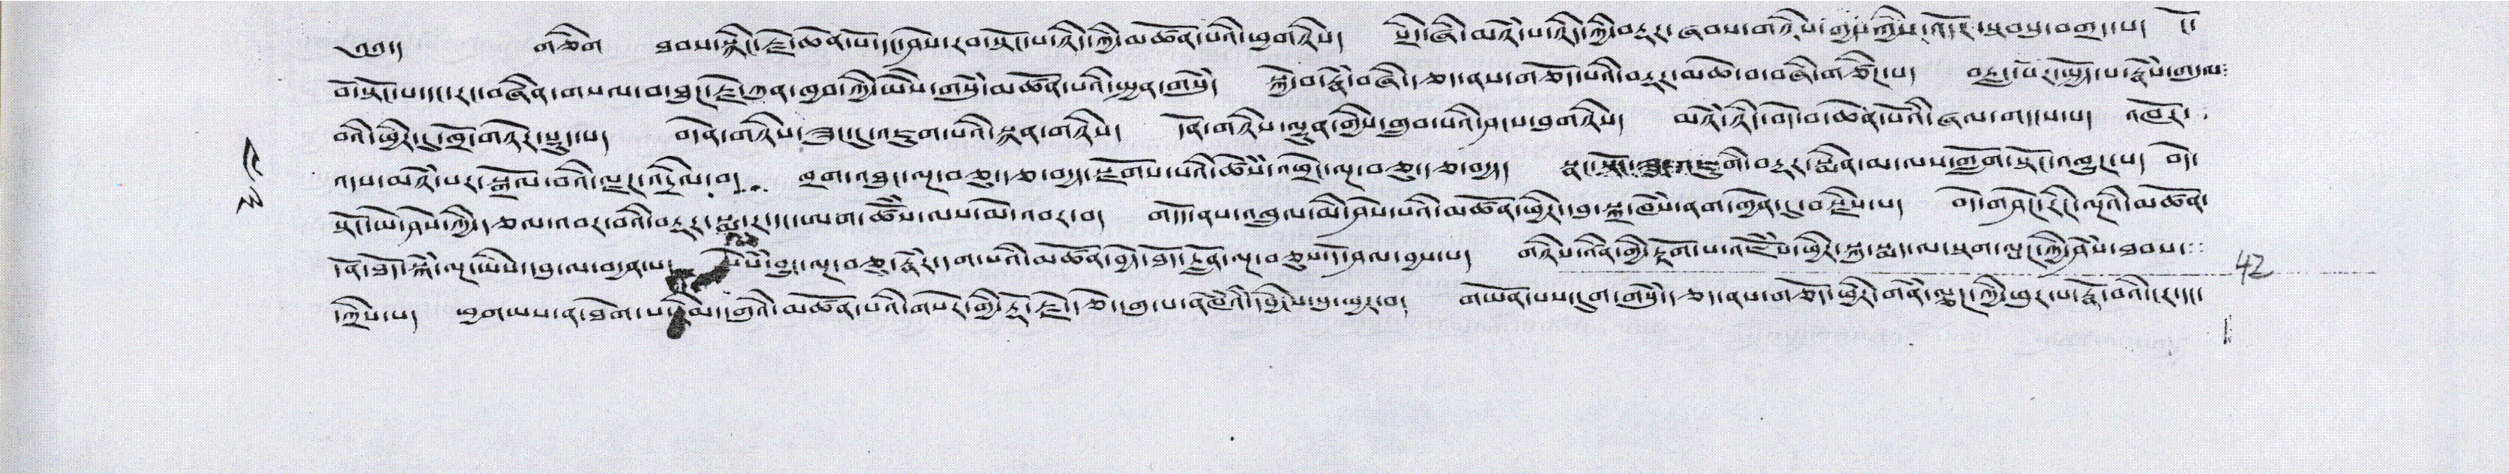གཅིག ཐབས་སྙིང་རྗེ་ཆེན་པོ་དང་ཤེས་རབ་སྟོང་པ་ཉིད་ཀྱིས་མཚོན་པའི་ཕྱག་གཉིས། སྲིད་ཞི་མཉམ་པ་ཉིད་ཀྱི་བརྡར་ཞབས་གཉིས་གྱད་ཀྱི་འདོར་ཐབས་སུ་བགྲད་པ། ངོ་
བོ་སྟོང་པ་དང་རང་བཞིན་གསལ་བ་ཐུགས་རྗེ་ཀུན་ཁྱབ་གསུམ་མཚོན་པའི་སྤྱན་གསུམ། སྐྱེ་བ་རྣམ་བཞི་རྩད་ནས་གཅོད་པའི་བརྡར་མཆེ་བ་བཞི་གཙིགས་པ། བརླང་པོར་སྤྱོད་པ་རྣམས་འདུལ་
བའི་ཕྱིར་དུ་ཁྲོ་གཉེར་སྡུད་པ། བདེན་གཉིས་ཟུང་དུ་འཇུག་པའི་སྙན་གཉིས། དོན་གཉིས་ལྷུན་གྱིས་གྲུབ་པའི་ཤངས་བུག་གཉིས། མཉམ་ཉིད་བདེ་བ་ཆེན་པོའི་ཞལ་གདང་བ། འཁོར་
འདས་མཉམ་པར་འདྲིལ་བའི་ལྗགས་འདྲིལ་བ། ཁྲག་འཐུང་ལྔ་བཅུ་རྩ་བརྒྱད་རྫོགས་པའི་ཚེམ་ཕྲེང་ལྔ་བཅུ་རྩ་བརྒྱད། སྣང་སྟོང་ཟུང་འཇུག་གི་བརྡར་སྨིན་མ་ལས་གློག་སྟོང་འཁྱུག་པ། བདེ་
སྟོང་ཡེ་ཤེས་ཀྱི་རྩལ་འབར་བའི་བརྡར་སྨ་ར་དང་ཨག་ཚོམ་ལས་མེ་འབར་བ། གདོད་ནས་འཁྲུལ་མི་ཤེས་པའི་མཚོན་ཕྱིར་དབུ་སྐྲ་ཁམ་ནག་གྱེན་དུ་བརྫིས་པ། བདེར་གཤེགས་རིགས་ལྔའི་མཚོན་
དོན་ཐོད་སྐམ་ལྔ་ཡིས་དབུ་ལ་བརྒྱན་པ། སེམས་བྱུང་ལྔ་བཅུ་རྣམ་པར་དག་པ་མཚོན་བྱེད་ཐོད་རློན་ལྔ་བཅུས་དོ་ཤལ་བྱས་པ། གཉིས་འཛིན་གྱི་རྟོག་པ་འཇོམས་ཕྱིར་སྐུ་སྨད་ལ་སྟག་ལྤགས་ཀྱི་ཤམ་ཐབས་
དཀྲིས་པ། ཕྱག་གཡས་ན་ཐེག་པ་རིམ་དགུའི་མཚོན་པའི་གསེར་གྱི་རྡོ་རྗེ་རྩེ་དགུ་པ་ནམ་མཁའི་དབྱིངས་སུ་ཕྱར་བ། གཡོན་པས་དུག་གསུམ་རྩད་ནས་གཅོད་ཕྱིར་གནམ་ལྕགས་ཀྱི་ཕུར་པ་རྣོ་བའི་ངར་